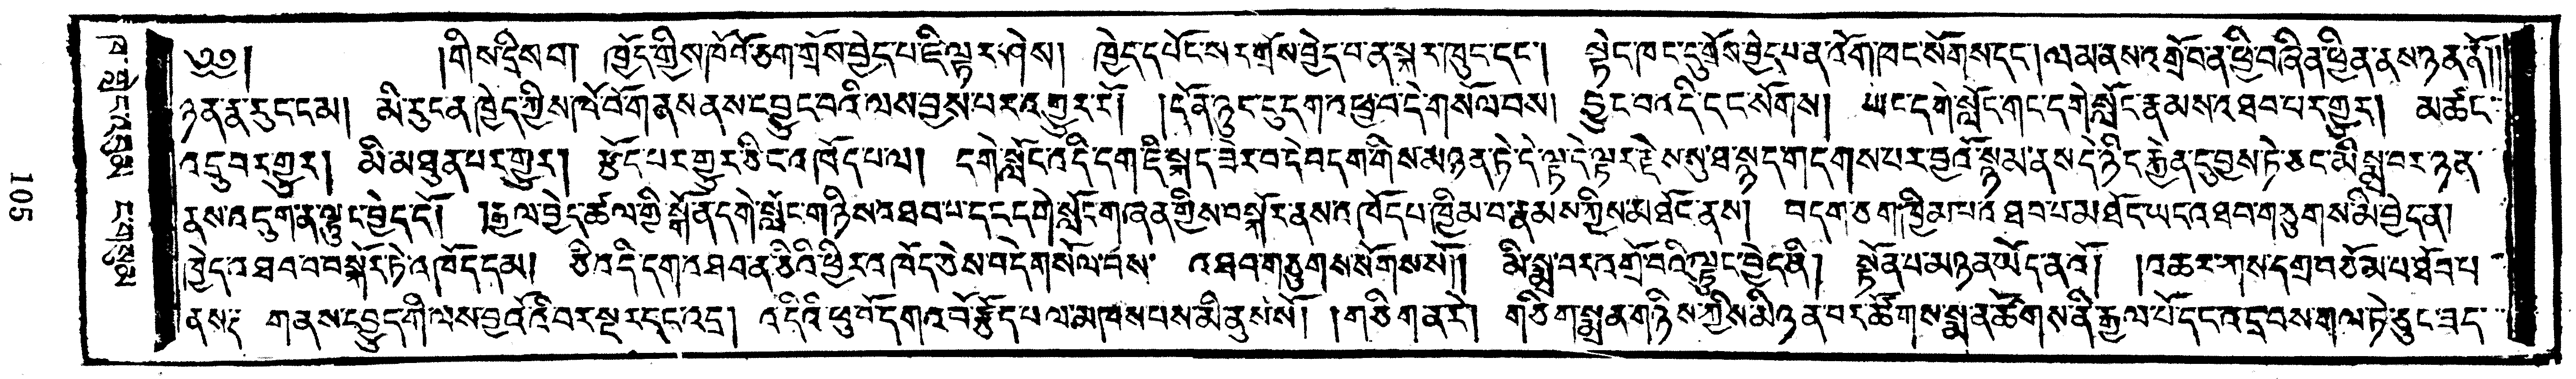༄༅། །གིས་དྲིས་པ། ཁྱོད་གྱིས་ཁོ་བོ་ཅག་གྲོས་བྱེད་པ་ཇི་ལྟར་ཤེས། ཁྱེད་དབོང་སར་གྲོས་བྱེད་པ་ན་སྐར་ཁུང་དང་། སྟེང་ཁང་དུ་གྲོས་བྱེད་པ་ན་འོག་ཁང་སོགས་དང་། ལམ་ནས་འགྲོ་བ་ན་ཕྱི་བཞིན་ཕྱིན་ནས་ཉན་ནོ།།
ཉན་རྣ་རུང་ངམ། མི་རུང་ན་ཁྱེད་ཀྱིས་ཁོ་བོ་གནས་ནས་དབྱུང་བའི་ལས་བྱས་པར་འགྱུར་རོ། །དོན་ཉུང་དུ་དག་འཕྱ་བ་དེ་གསོལ་བས། བྱུང་བ་འདི་དང་སོགས། ཡང་དགེ་སློང་གང་དགེ་སློང་རྣམས་འཐབ་པར་གྱུར། མཚང་
འདྲུ་བར་གྱུར། མི་མཐུན་པར་གྱུར། རྩོད་པར་གྱུར་ཅིང་འཁོད་པ་ལ། དགེ་སློང་འདི་དག་ཇི་སྐད་ཟེར་བ་དེ་བདག་གིས་མཉན་ཏེ་དེ་ལྟ་དེ་ལྟར་རྗེས་སུ་ཐ་སྙད་གདགས་པར་བྱའོ་སྙམ་ནས་དེ་ཉིད་རྐྱེན་དུ་བྱས་ཏེ་ཅང་མི་སྨྲ་བར་ཉན་
ནས་འདུག་ན་ལྟུང་བྱེད་དོ། །རྒྱལ་བྱེད་ཚལ་གྱི་སྒོ་ན་དགེ་སློང་གཉིས་འཐབ་པ་དང་དགེ་སློང་གཞན་གྱིས་བསྐོར་ནས་འཁོད་པ་ཁྱིམ་པ་རྣམས་ཀྱིས་མཐོང་ནས། བདག་ཅག་ཁྱིམ་པ་འཐབ་པ་མཐོང་ཡང་འཐབ་གཅུགས་མི་བྱེད་ན།
ཁྱེད་འཐབ་བ་བསྐོར་ཏེ་འཁོད་དམ། ཅི་འདི་དག་འཐབ་ན་ཅིའི་ཕྱིར་འཁོད་ཅེས་བདེ་གསོལ་བས་འཐབ་གཅུགས་སོགས་སོ།། མི་སྨྲ་བར་འགྲོ་བའི་ལྟུང་བྱེད་ནི། སྟོན་པ་མཉན་ཡོད་ནའོ། །འཆར་ཀས་དགྲ་བཅོམ་པ་ཐོབ་པ་
ནས༑ གནས་དབྱུང་གི་ལས་བྱའོ་འི་བར་སྔར་དང་འདྲ། འདིའི་ཕུ་བོ་དགའ་བོ་རྩོད་པ་ལ་མཁས་པས་མི་ནུས་སོ། །གཅིག་ན་རེ། གཅིག་སྨྲན་གཉིས་ཀྱིས་མི་ཉན་པར་ཚོགས་སྨན་ཚོགས་ནི་རྒྱལ་པོ་དང་འདྲ་བས་གལ་ཏེ་ཅུང་ཟད་